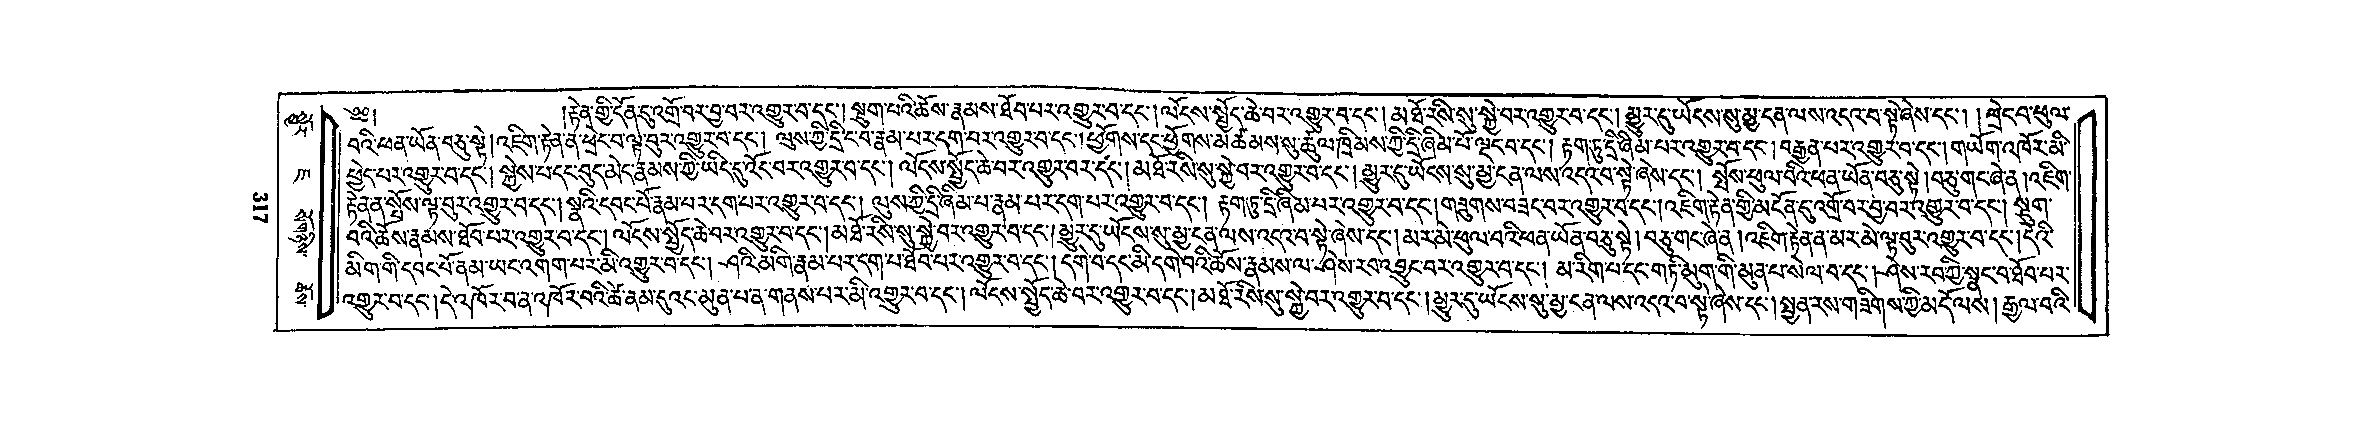༄༅། །རྟེན་གྱི་དོན་དུ་འགྲོ་བར་བྱ་བར་འགྱུར་བ་དང་། སྡུག་པའི་ཆོས་རྣམས་ཐོབ་པར་འགྱུར་བ་དང་། ལོངས་སྤྱོད་ཆེ་བར་འགྱུར་བ་དང་། མཐོ་རིས་སུ་སྐྱེ་བར་འགྱུར་བ་དང་། མྱུར་དུ་ཡོངས་སུ་མྱ་ངན་ལས་འདའ་བ་སྟེ་ཞེས་དང་། །ཕྲེང་བ་ཕུལ་
བའི་ཕན་ཡོན་བཅུ་སྟེ། འཇིག་རྟེན་ན་ཕྲེང་བ་ལྟ་བུར་འགྱུར་བ་དང་། ལུས་ཀྱི་དྲི་ང་བ་རྣམ་པར་དག་པར་འགྱུར་བ་དང་། ཕྱོགས་དང་ཕྱོགས་མཚམས་སུ་ཚུལ་ཁྲིམས་ཀྱི་དྲི་ཞིམ་པོ་ལྡང་བ་དང་། རྟག་ཏུ་དྲི་ཞིམ་པར་འགྱུར་བ་དང་། བརྒྱན་པར་འགྱུར་བ་དང་། གཡོག་འཁོར་མི་
ཕྱེད་པར་འགྱུར་བ་དང་། སྐྱེས་པ་དང་བུད་མེད་རྣམས་ཀྱི་ཡིད་དུ་འོང་བར་འགྱུར་བ་དང་། ལོངས་སྤྱོད་ཆེ་བར་འགྱུར་བར་དང་། མཐོ་རིས་སུ་སྐྱེ་བར་འགྱུར་བ་དང་། མྱུར་དུ་ཡོངས་སུ་མྱ་ངན་ལས་འདའ་བ་སྟེ་ཞེས་དང་། སྤོས་ཕུལ་བའི་ཕན་ཡོན་བཅུ་སྟེ། བཅུ་གང་ཞེ་ན། འཇིག་
རྟེན་ན་སྤོས་ལྟ་བུར་འགྱུར་བ་དང་། སྣའི་དབང་པོ་རྣམ་པར་དག་པར་འགྱུར་བ་དང་། ལུས་ཀྱི་དྲི་ཞིམ་པ་རྣམ་པར་དག་པར་འགྱུར་བ་དང་། རྟག་ཏུ་དྲི་ཞིམ་པར་འགྱུར་བ་དང་། གཟུགས་བཟང་བར་འགྱུར་བ་དང་། འཇིག་རྟེན་གྱི་མངོན་དུ་འགྲོ་བར་བྱ་བར་འགྱུར་བ་དང་། སྡུག་
བའི་ཆོས་རྣམས་ཐོབ་པར་འགྱུར་བ་དང་། ལོངས་སྤྱོད་ཆེ་བར་འགྱུར་བ་དང་། མཐོ་རིས་སུ་སྐྱེ་བར་འགྱུར་བ་དང་། མྱུར་དུ་ཡོངས་སུ་མྱ་ངན་ལས་འདའ་བ་སྟེ་ཞེས་དང་། མར་མེ་ཕུལ་བའི་ཕན་ཡོན་བཅུ་སྟེ། བཅུ་གང་ཞེ་ན། འཇིག་རྟེན་ན་མར་མེ་ལྟ་བུར་འགྱུར་བ་དང་། དེའི་
མིག་གི་དབང་པོ་ནམ་ཡང་འགག་པར་མི་འགྱུར་བ་དང་། ཤའི་མིག་རྣམ་པར་དག་པ་ཐོབ་པར་འགྱུར་བ་དང་། དགེ་བ་དང་མི་དགེ་བའི་ཆོས་རྣམས་ལ་ཤེས་རབ་འབྱུང་བར་འགྱུར་བ་དང་། མ་རིག་པ་དང་གཏི་མུག་གི་མུན་པ་སེལ་བ་དང་། ཤེས་རབ་ཀྱི་སྣང་བ་ཐོབ་པར་
འགྱུར་བ་དང་། དེ་འཁོར་བ་ན་འཁོར་བའི་ཚེ་ནམ་དུའང་མུན་པ་ན་གནས་པར་མི་འགྱུར་བ་དང་། ལོངས་སྤྱོད་ཆེ་བར་འགྱུར་བ་དང་། མཐོ་རིས་སུ་སྐྱེ་བར་འགྱུར་བ་དང་། མྱུར་དུ་ཡོངས་སུ་མྱ་ངན་ལས་འདའ་བ་སྟེ་ཞེས་དང་། སྤྱན་རས་གཟིགས་ཀྱི་མདོ་ལས། རྒྱལ་བའི་